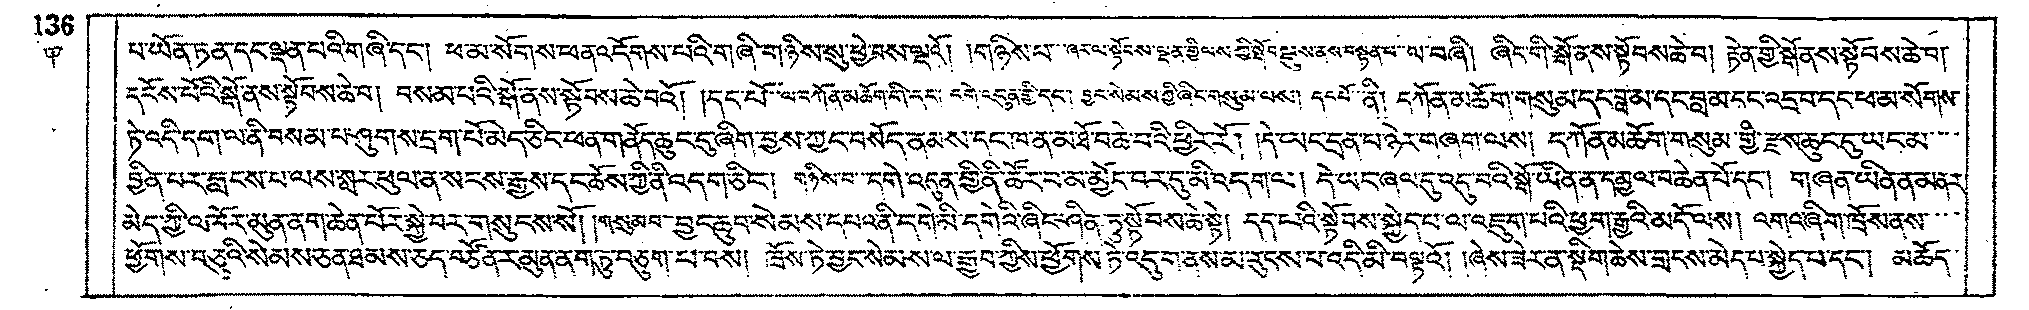པ་ཡོན་ཏན་དང་ལྡན་པའི་གཞི་དང་། ཕ་མ་སོགས་ཕན་འདོགས་པའི་གཞི་གཉིས་སུ་ཕྱེ་བས་ལྔའོ། །གཉིས་པཞར་ལ་སྟོབས་ལྡན་གྱི་ལས་ཀྱི་སྒོ་བསྡུས་ནས་བསྟན་པལ་བཞི། ཞིང་གི་སྒོ་ནས་སྟོབས་ཆེ་བ། རྟེན་གྱི་སྒོ་ནས་སྟོབས་ཆེ་བ།
དངོས་པོའི་སྒོ་ནས་སྟོབས་ཆེ་བ། བསམ་པའི་སྒོ་ནས་སྟོབས་ཆེ་བའོ། །དང་པོལ་དཀོན་མཆོག་གི་དང་། དགེ་འདུན་གྱི་དང་། བྱང་སེམས་ཀྱི་ཞིང་གསུམ་ལས། དང་པོནི། དཀོན་མཆོག་གསུམ་དང་བླ་མ་དང་འདྲ་བ་དང་ཕ་མ་སོགས་
ཏེ་འདི་དག་ལ་ནི་བསམ་པ་ཤུགས་དྲག་པོ་མེད་ཅིང་ཕན་གནོད་ཆུང་དུ་ཞིག་བྱས་ཀྱང་བསོད་ནམས་དང་ཁ་ན་མ་ཐོ་བ་ཆེ་བའི་ཕྱིར་རོ། །དེ་ཡང་དྲན་པ་ཉེར་གཞག་ལས། དཀོན་མཆོག་གསུམ་གྱི་རྫས་ཆུང་དུ་ཡང་མ་
བྱིན་པར་བླངས་པ་ལས་སླར་ཕུལ་ན་སངས་རྒྱས་དང་ཆོས་ཀྱི་ནི་འདག་ཅིང་། གཉིས་པདགེ་འདུན་གྱི་ནི་ཚོར་བ་མ་མྱོང་བར་དུ་མི་འདག་ལ། དེ་ཡང་ཞལ་དུ་འདུ་བའི་སྒོ་ཡིན་ན་དམྱལ་བ་ཆེན་པོ་དང་། གཞན་ཡིན་ན་མནར་
མེད་ཀྱི་འཁོར་མུན་ནག་ཆེན་པོར་སྐྱེ་བར་གསུངས་སོ། །གསུམ་པབྱང་ཆུབ་སེམས་དཔའ་ནི་དགེ་མི་དགེའི་ཞིང་ཤིན་ཏུ་སྟོབས་ཆེ་སྟེ། དད་པའི་སྟོབས་སྐྱེད་པ་ལ་འཇུག་པའི་ཕྱག་རྒྱའི་མདོ་ལས། འགའ་ཞིག་ཁྲོས་ནས་
ཕྱོགས་བཅུའི་སེམས་ཅན་ཐམས་ཅད་བརྩོན་ར་མུན་ནག་ཏུ་བཅུག་པ་བས། ཁྲོས་ཏེ་བྱང་སེམས་ལ་རྒྱབ་ཀྱིས་ཕྱོགས་ཏེ་འདུག་ནས་མ་རུངས་པ་འདི་མི་བལྟའོ། །ཞེས་ཟེར་ན་སྡིག་ཆེས་གྲངས་མེད་པ་སྐྱེད་པ་དང་། མཆོད་